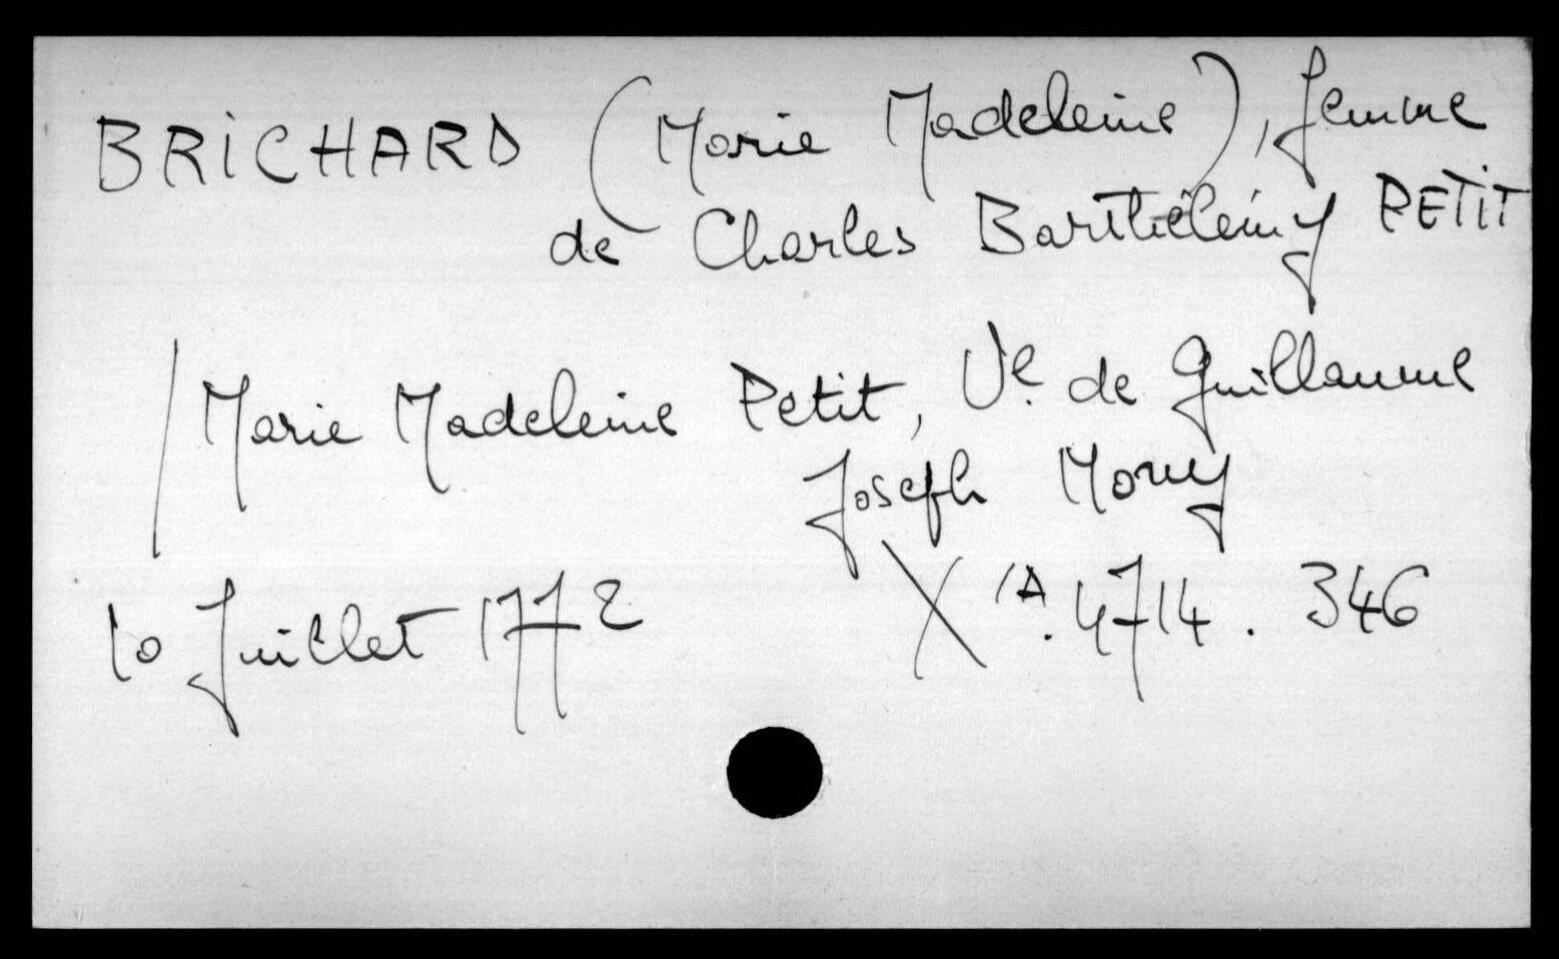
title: BRICHARD (Marie Madeleine), femme de Charles Barthélémy PETIT
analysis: Contre Marie Madeleine Petit, veuve de Guillaume Joseph Mouy
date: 10 juillet 1772
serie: X1A
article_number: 4714
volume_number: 346
